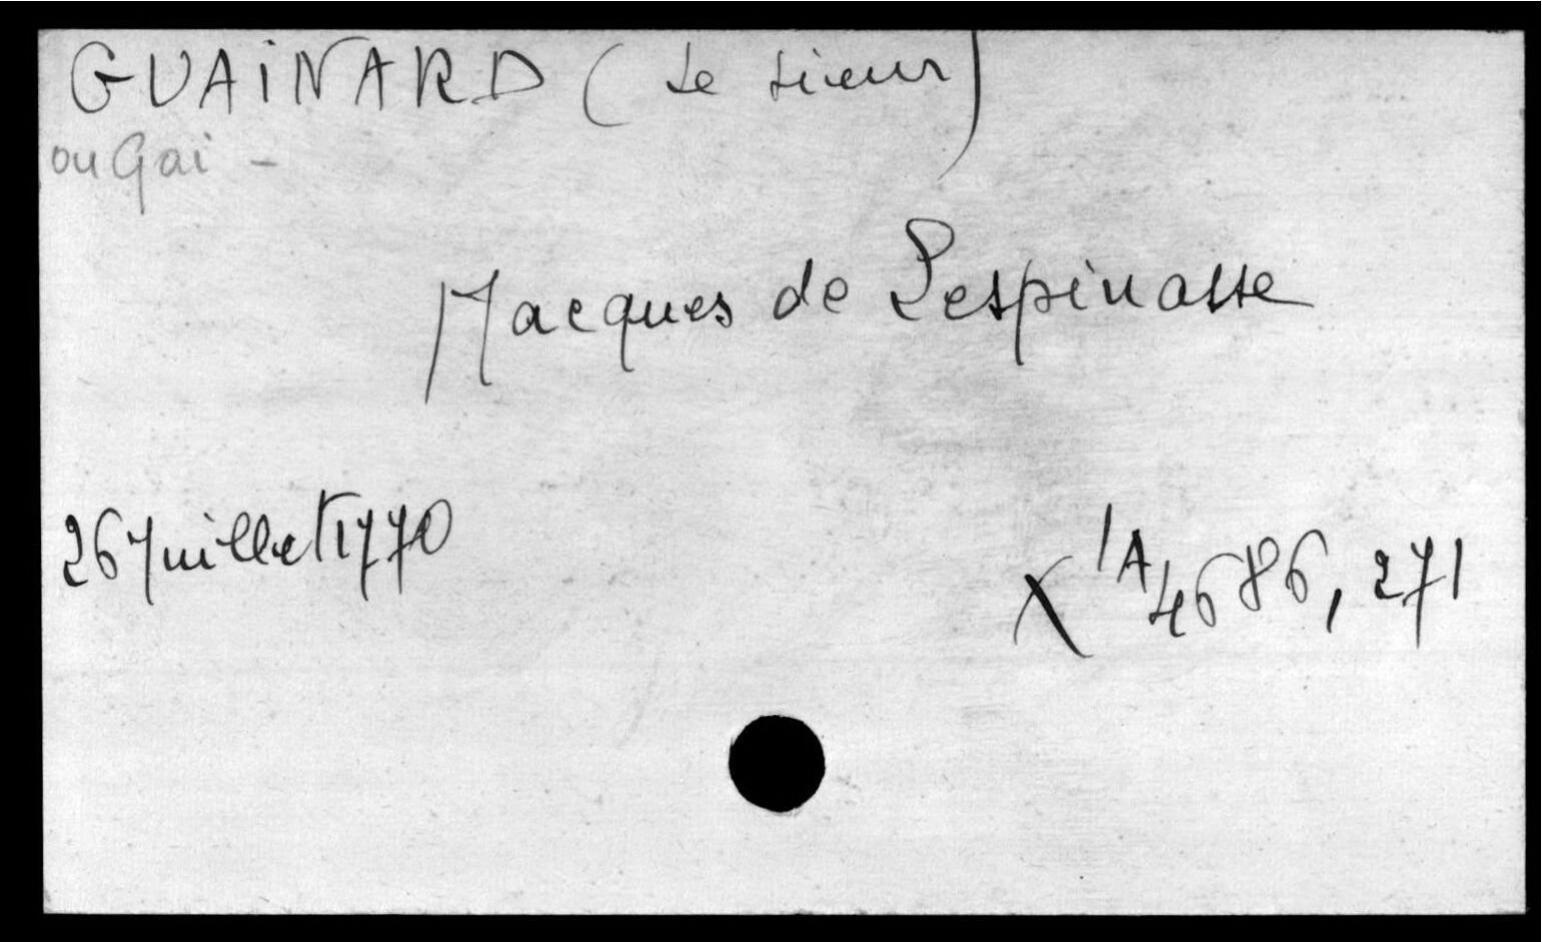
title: GUAINARD ou GAINARD (le sieur)
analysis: Contre Jacques de Lespinasse
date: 26 juillet 1770
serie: X1A
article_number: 4686
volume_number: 271
